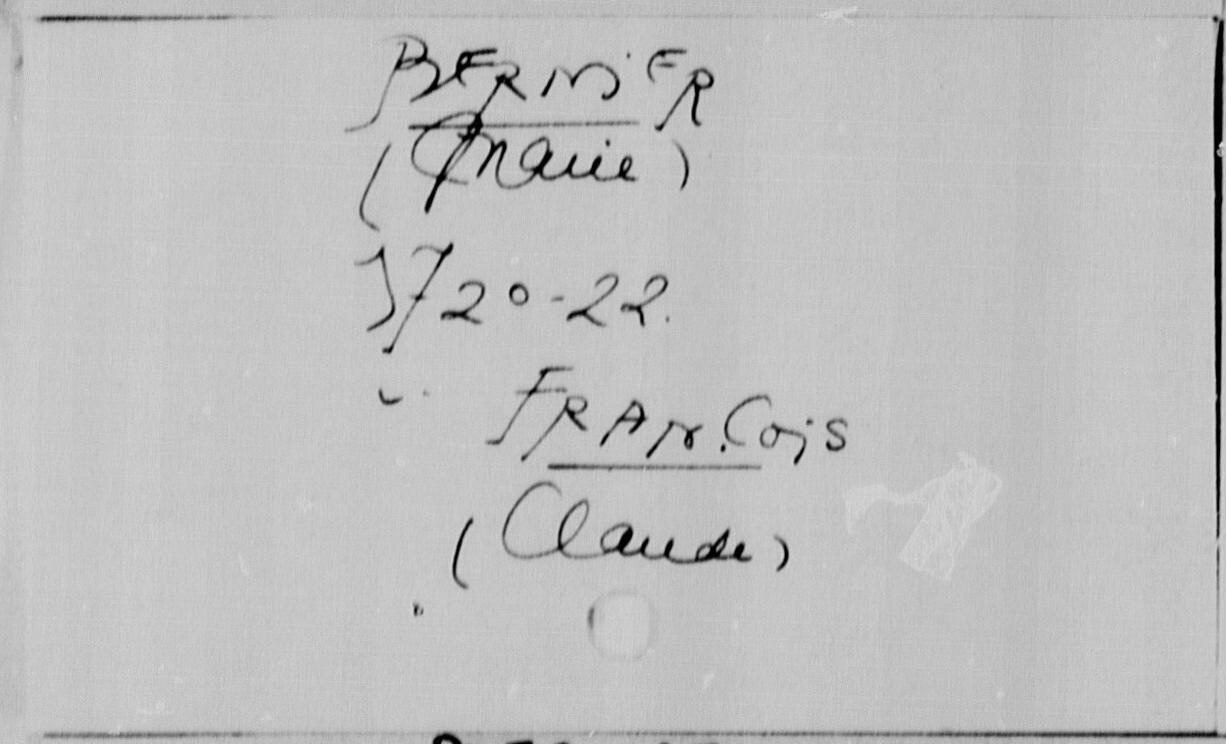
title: BERNIER (Marie)
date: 1720-1722
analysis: Voir François (Claude)
